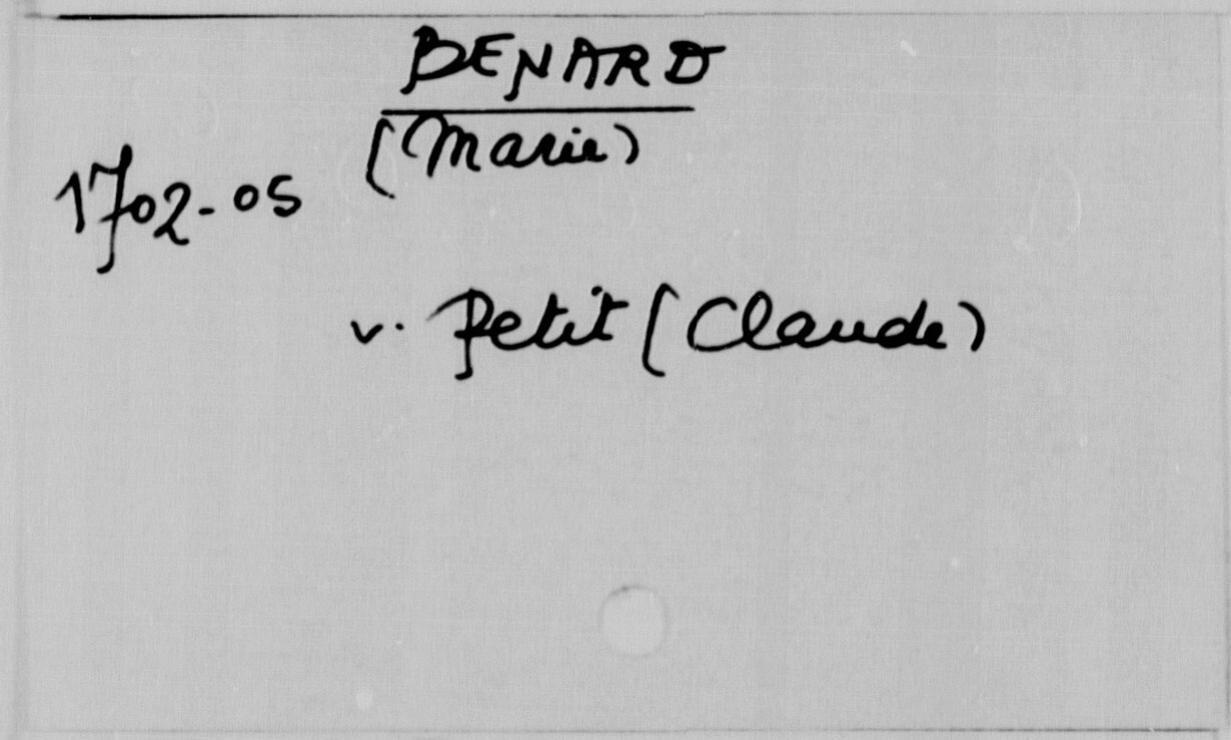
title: BENARD (Marie)
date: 1702-1705
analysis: Voir PETIT (Claude)
